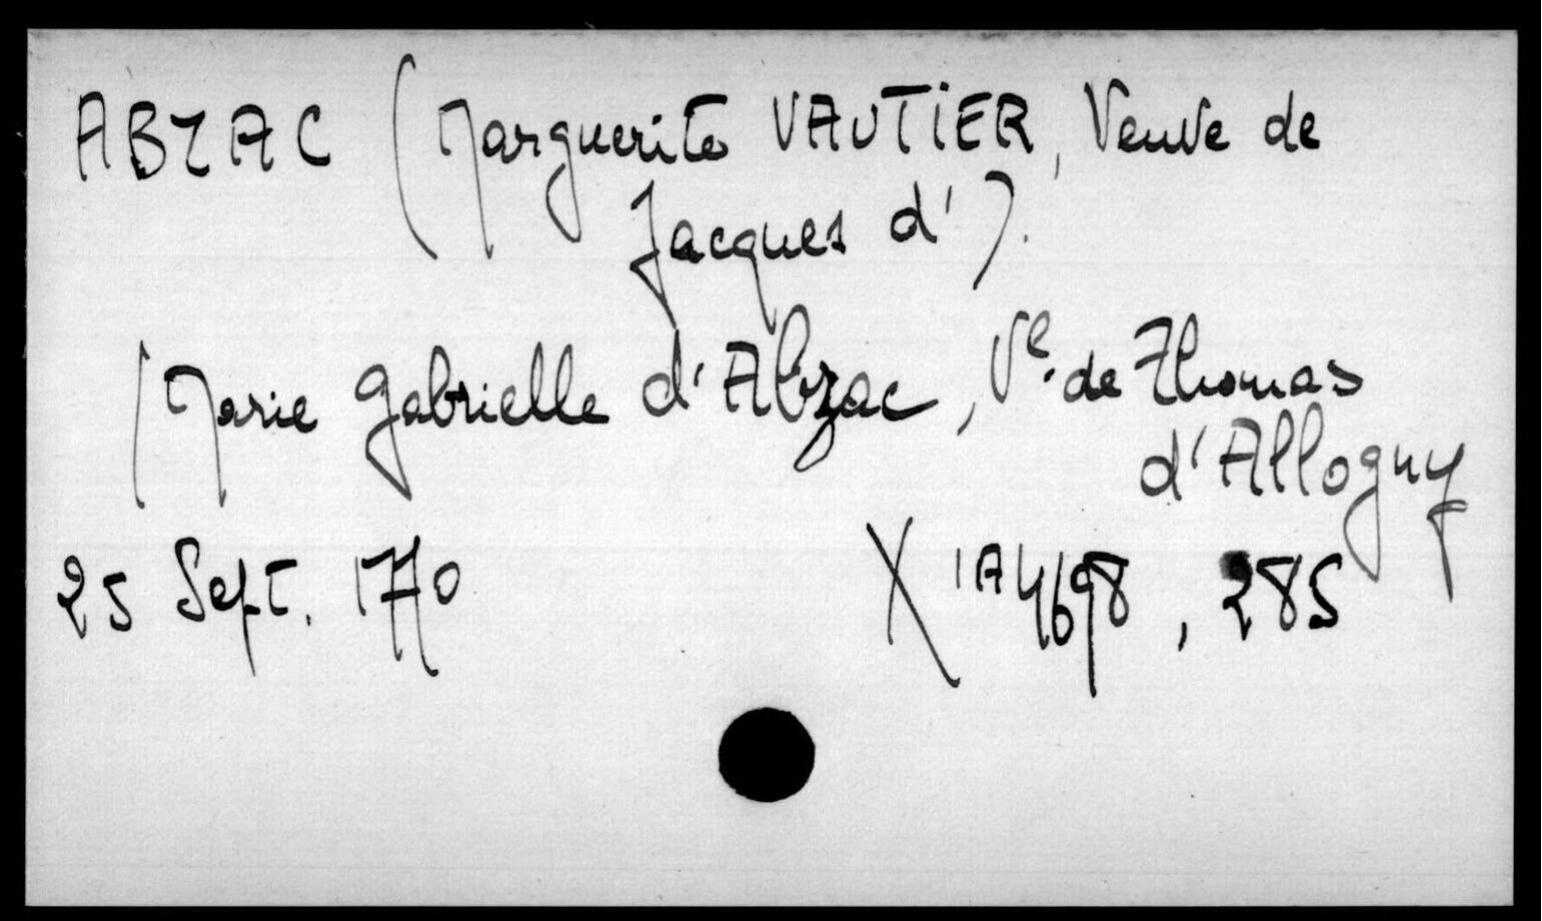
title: ABZAC (Marguerite VAUTIER, Veuve de Jacques d')
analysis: Contre Marie Gabrielle d'Abzac, veuve de Thomas d'Allogny
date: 25 septembre 1770
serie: X1A
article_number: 4698
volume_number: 285
